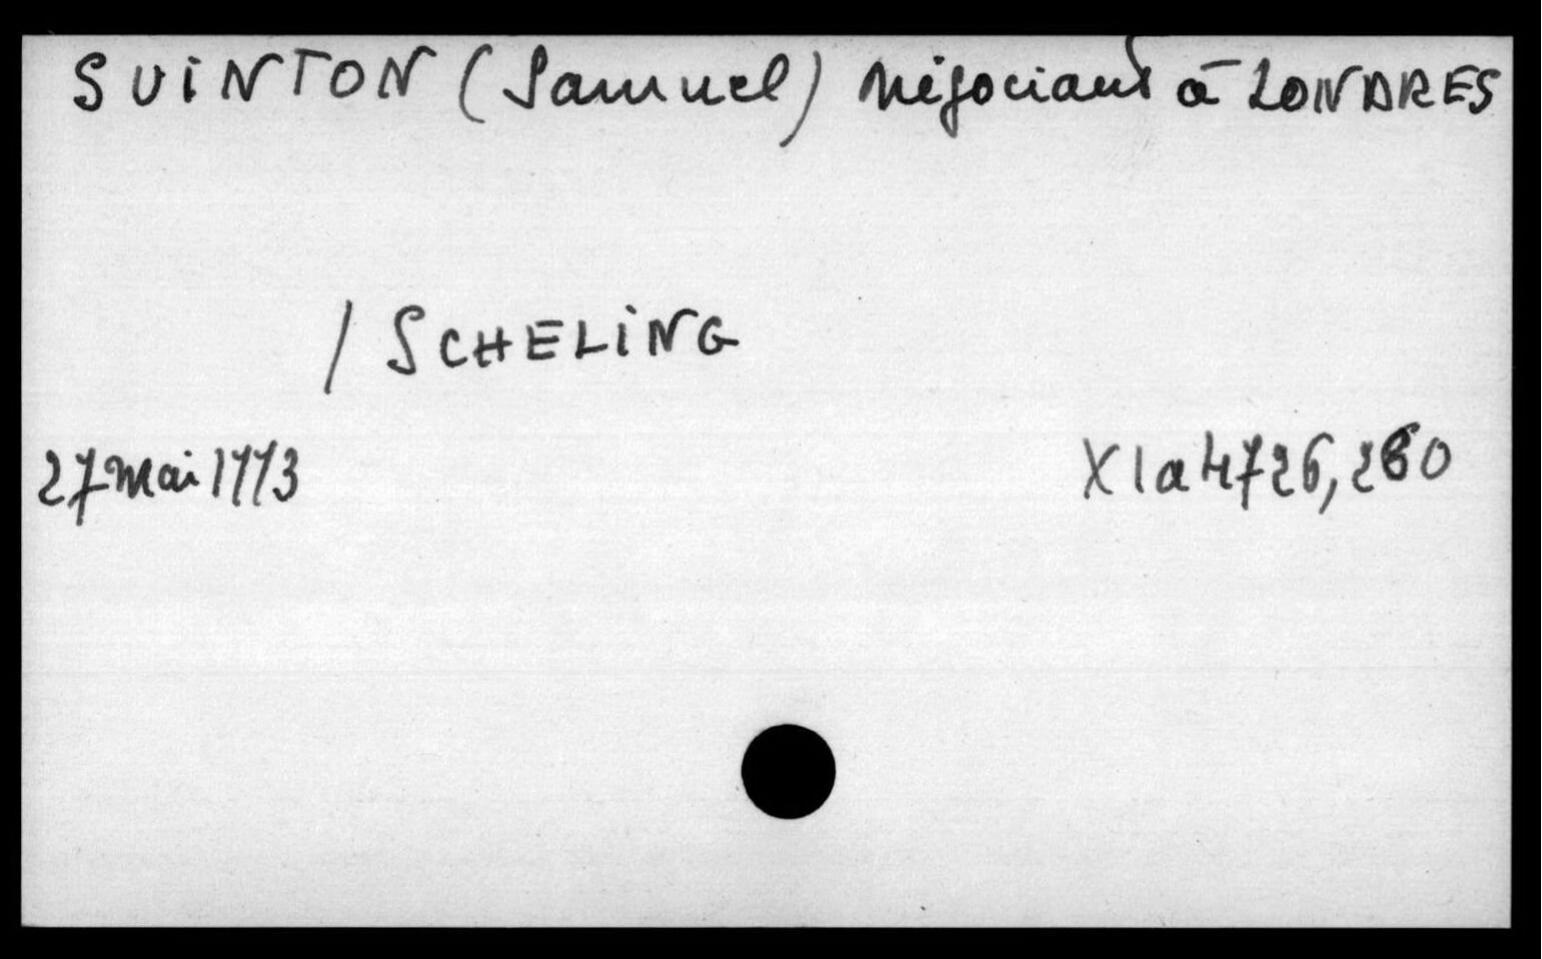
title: SUINTON (Samuel) négociant à LONDRES
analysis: Contre SCHELING
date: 27 mai 1773
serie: X1a
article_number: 4726
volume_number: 260
